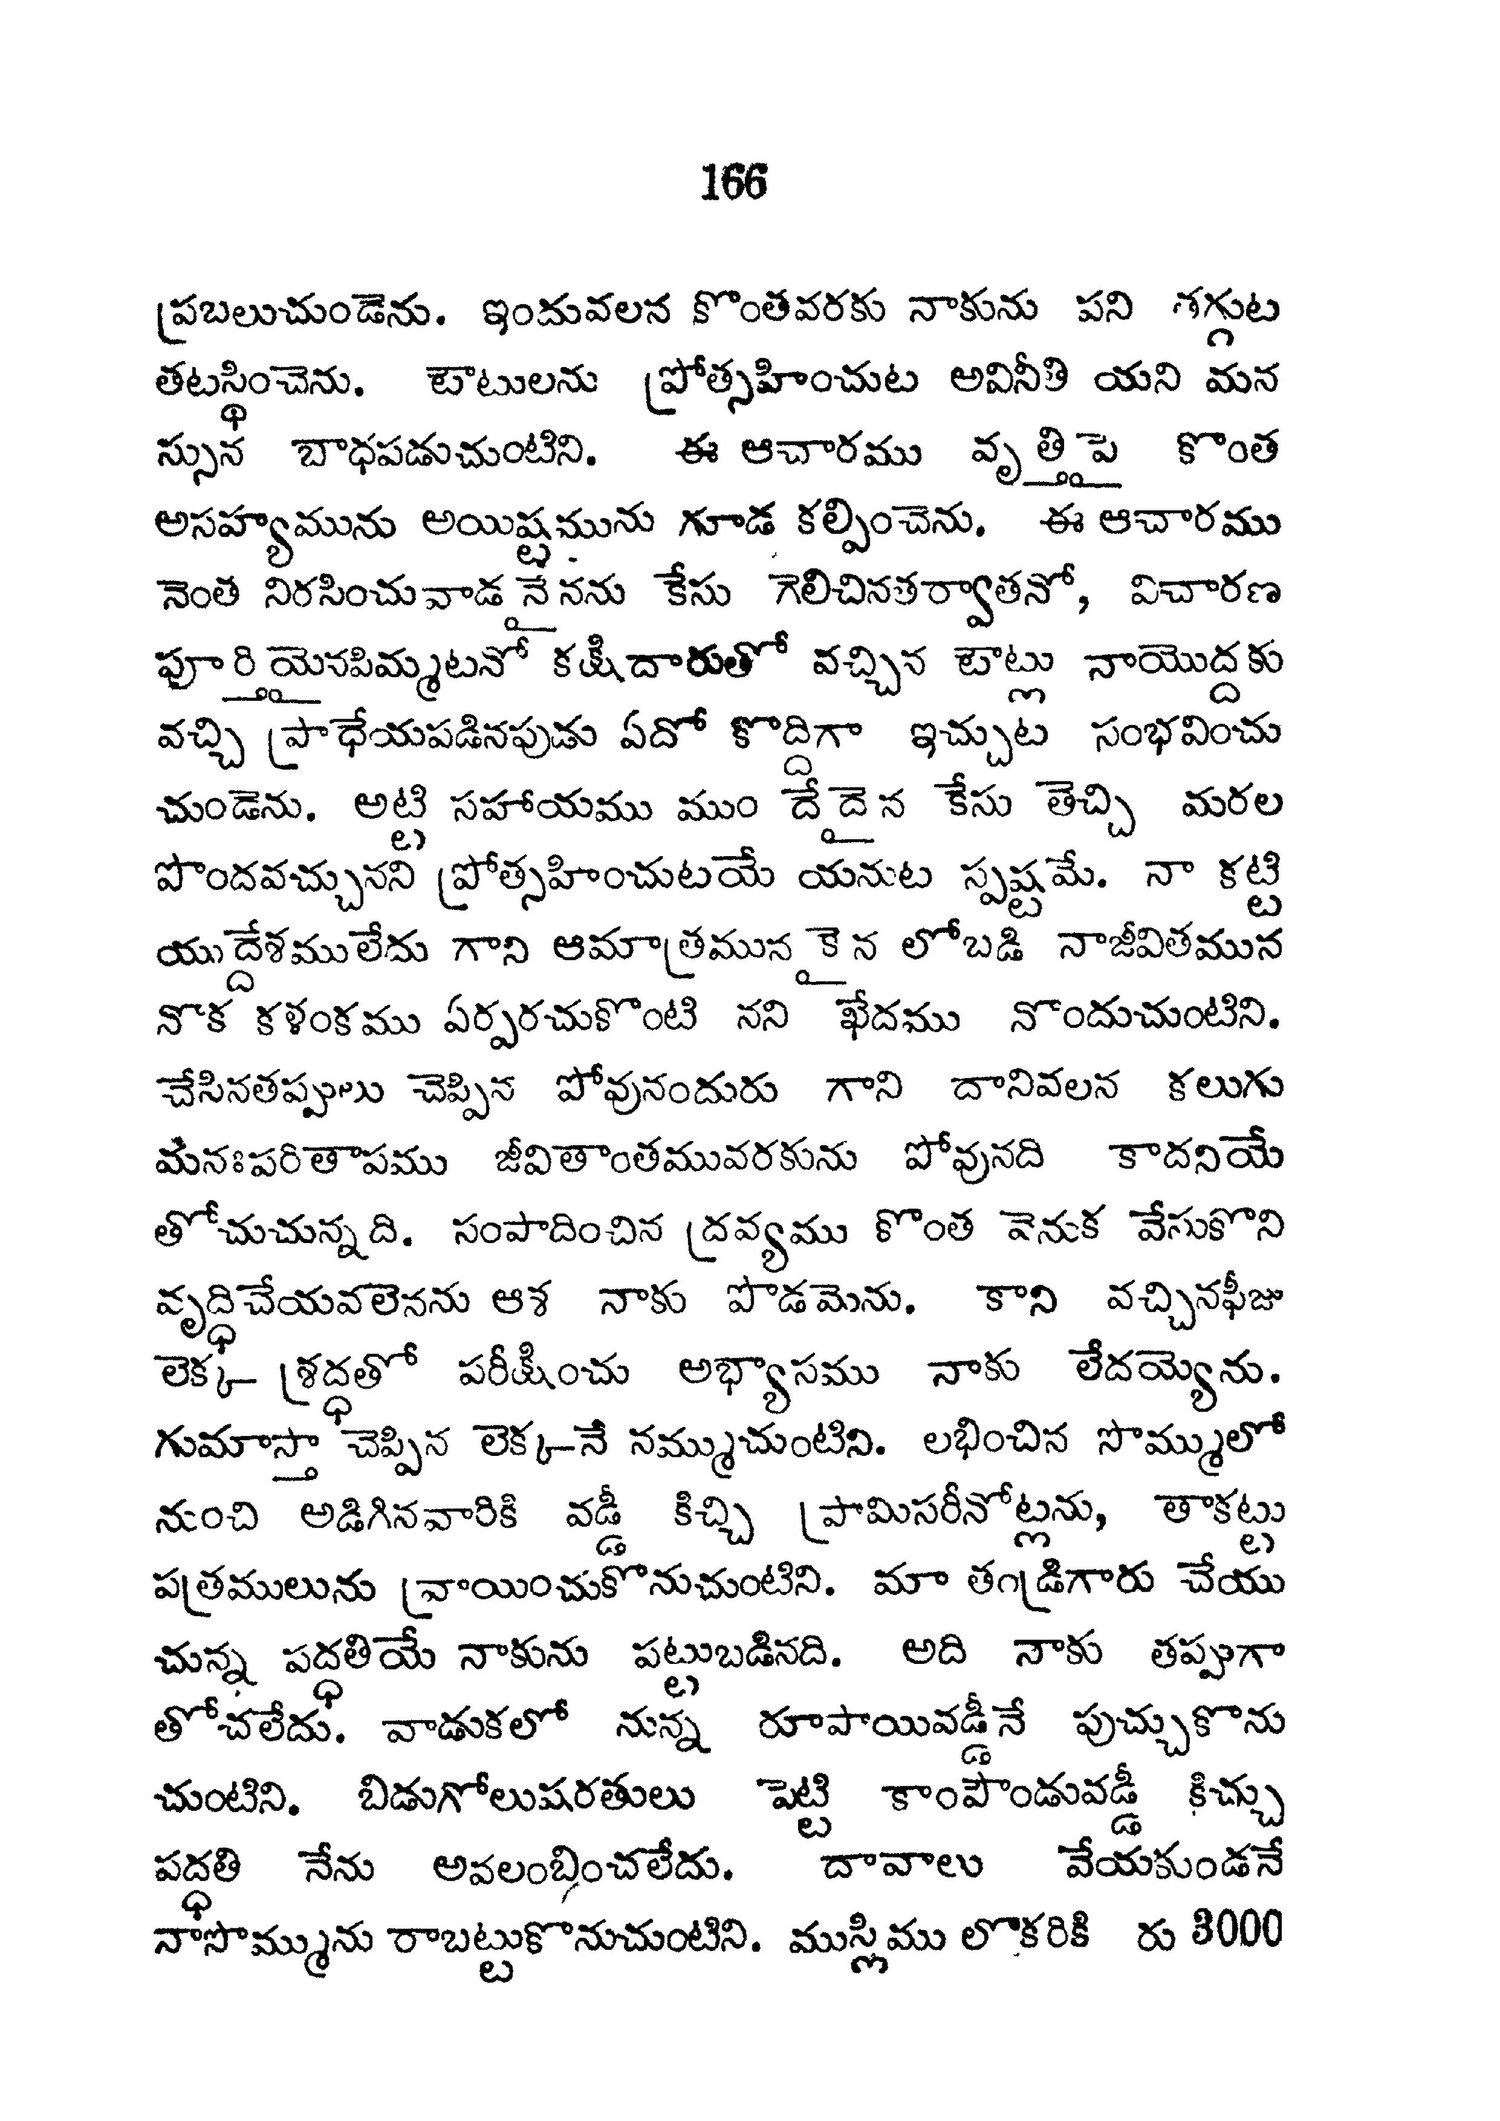ప్రబలుచుండెను. ఇందువలన కొంతవరకు నాకును పని తగ్గుట తటస్థించెను. టౌటులను ప్రోత్సహించుట అవినీతి యని మనస్సున బాధపడుచుంటిని. ఈ ఆచారము వృత్తిపై కొంత అసహ్యమును అయిష్టమును గూడ కల్పించెను. ఈ ఆచారము నెంత నిరసించువాడనైనను కేసు గెలిచినతర్వాతనో, విచారణ పూర్తియైనపిమ్మటనో కక్షిదారుతో వచ్చిన టౌట్లు నాయొద్దకువచ్చి ప్రాధేయపడినపుడు ఏదో కొద్దిగా ఇచ్చుట సంభవించు చుండెను. అట్టి సహాయము ముం దేదైన కేసు తెచ్చి మరల పొందవచ్చునని ప్రోత్సహించుటయే యనుట స్పష్టమే. నా కట్టి యుద్దేశములేదు గాని ఆమాత్రమునకైన లోబడి నాజీవితమున నొక కళంకము ఏర్పరచుకొంటి నని ఖేదము నొందుచుంటిని. చేసినతప్పులు చెప్పిన పోవునందురు గాని దానివలన కలుగు మన:పరితాపము జీవితాంతమువరకును పోవునది కాదనియే తోచుచున్నది. సంపాదించిన ద్రవ్యము కొంత వెనుక వేసుకొని వృద్ధిచేయవలెనను ఆశ నాకు పొడమెను. కాని వచ్చినఫీజు లెక్క శ్రద్ధతో పరీక్షించు అభ్యాసము నాకు లేదయ్యెను. గుమస్తా చెప్పిన లెక్కనే నమ్ముచుంటిని. లభించిన సొమ్ములో నుంచి అడిగినవారికి వడ్డీ కిచ్చి ప్రామిసరీనోట్లను, తాకట్టు పత్రములును వ్రాయించుకొనుచుంటిని. మా తండ్రిగారు చేయుచున్న పద్ధతియే నాకును పట్టుబడినది. అది నాకు తప్పుగా తోచలేదు. వాడుకలో నున్న రూపాయివడ్డీనే పుచ్చుకొనుచుంటిని. బిడుగోలుషరతులు పెట్టి కాంపౌండువడ్డీ కిచ్చు పద్ధతి నేను అవలంబించలేదు. దావాలు వేయకుండనే నాసొమ్మును రాబట్టుకొనుచుంటిని. ముస్లిము లొకరికి రు 3000